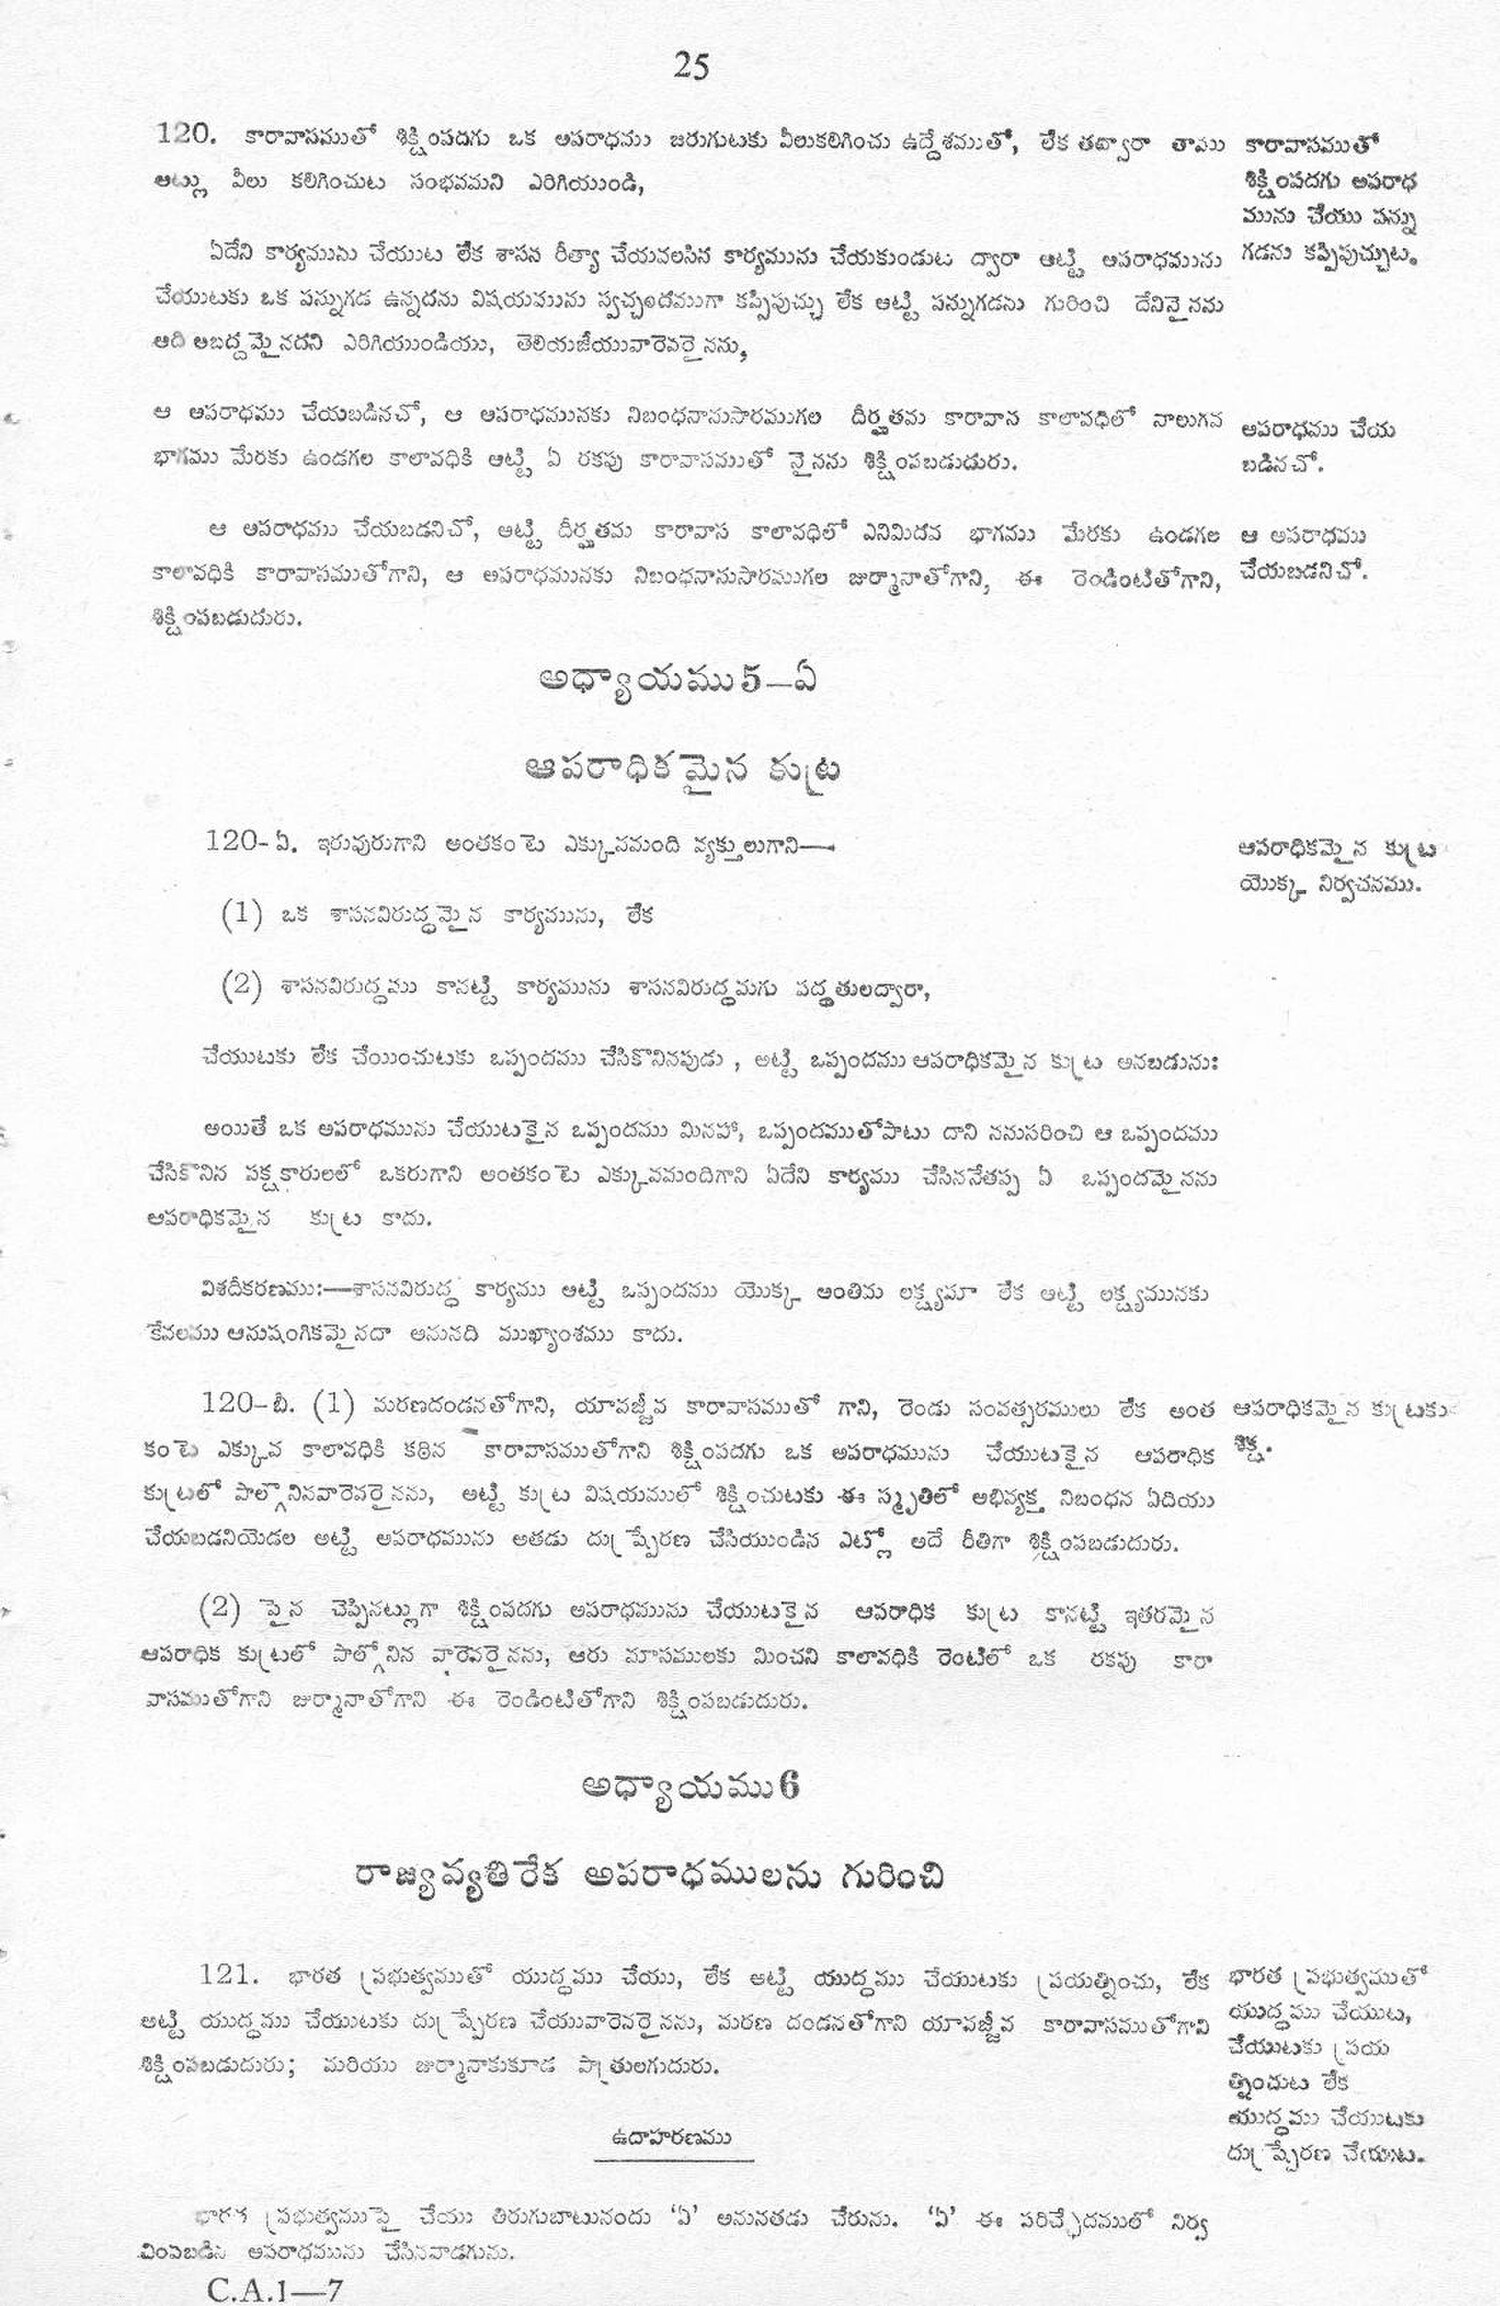కారావాసముతో శిక్షింపదగు అపరాధమును చేయు పన్నుగడను కప్పిపుచ్చుట,

120. కారావాసముతో శిక్షింపదగు ఒక ఆపరాధము జరుగుటకు వీలు కలిగించు ఉద్దేశముతో, లేక తద్వారా తాము అట్లు వీలు కలిగించుట సంభవమని ఎరిగియుండి,

ఏదేని కార్యమును చేయుట లేక శాసన రీత్యా చేయవలసిన కార్యమును చేయకుండుట ద్వారా ఆట్టి అపరాధమును
చేయుటకు ఒక పన్నుగడ ఉన్నదను విషయమును స్వచ్ఛందముగా కప్పిపుచ్చు లేక అట్టి పన్నుగడను గురించి దేనినై నను అది అబద్ధ మైనదని ఎరిగియుండియు, తెలియజేయువారెవరైనను,

అపరాధము చేయబడినచో.

ఆ ఆపరాధము చేయబడినచో, ఆ అపరాధమునకు నిబంధనానుసారముగల దీర్ఘతమ కారావాన కాలావధిలో నాలుగవ భాగము మేరకు ఉండగల కాలావధికి ఆట్టి ఏ రకపు కారావాసముతో నైనను శిక్షింపబడుదురు.

ఆ అపరాధము చేయబడనిచో

ఆ అపరాధము చేయబడనిచో, అట్టి దీర్ఘతమ కారావాస కాలావధిలో ఎనిమిదవ భాగము మేరకు ఉండగల కాలావధికి కారావాసముతో గాని, ఆ అపరాధమునకు నిబంధనాసుసారముగల జుర్మానాలోగాని, ఈ రెండింటితో గాని,శిక్షింపబడుదురు.

ఆపరాధికమైన కుట్రయొక్క నిర్వచనము.

120-ఏ. ఇరువురుగాని అంతకంటే ఎక్కువమంది వ్యక్తులుగాని—-

(1) ఒక శాసనవిరుద్ధమైన కార్యమును, లేక

(2) శాసనవిరుద్ధము కానట్టి కార్యమును శాసనవిరుద్ధ మగు పద్ధతుల ద్వారా,

చేయుటకు లేక చేయించుటకు ఒప్పందము చేసికొనినపుడు , అట్టి ఒప్పందము ఆపరాధికమైన కుట్ర అనబడును:

అయితే ఒక అపరాధమును చేయుటకైన ఒప్పందము మినహా, ఒప్పందముతోపాటు దాని ననుసరించి ఆ ఒప్పందము
చేసికొనిన పక్షకారులలో ఒకరుగాని అంతకంటే ఎక్కువమందిగాని ఏదేని కార్యము చేసిననేతప్ప ఏ ఒప్పందమైనను
ఆపరాధికమైన కుట్ర కాదు.

విశదీకరణము:-శాసనవిరుద్ధ కార్యము అట్టి ఒప్పందము యొక్క అంతిమ లక్ష్యమా లేక అట్టి లక్ష్యమునకు కేవలము అనుషంగికమైనదా అనునది ముఖ్యాంశము కాదు.

ఆపరాధికకుట్రకు శిక్ష.

120-బీ. (1) మరణదండనతోగాని, యావజ్జీవ కారావాసముతో గాని, రెండు సంవత్సరములు లేక అంత కంటె ఎక్కువ కాలావధికి కఠిన కారావాసముతోగాని శిక్షింపదగు ఒక అపరాధమును చేయుటకైన అపరాధిక కుట్రలో పాల్గొనినవారెవరైనను, అట్టి కుట్ర విషయములో శిక్షించుటకు ఈ స్మృతిలో అభివ్యక్త నిబంధన ఏదియు చేయబడనియెడల అట్టి అపరాధమును అతడు దుష్ప్రేరణ చేసియుండిన ఎట్లో అదే రీతిగా శిక్షింపబడుదురు.

(2) పైన చెప్పినట్లుగా శిక్షింపదగు అపరాధమును చేయుటకైన ఆపరాధిక కుట్ర కానట్టి ఇతరమైన ఆపరాధిక కుట్రలో పాల్గొనిన వారెవరైనను, ఆరు మాసములకు మించని కాలావధికి రెంటిలో ఒక రకపు కారావాసముతోగాని జుర్మానాలోగాని ఈ రెండింటితోగాని శిక్షింపబడుదురు.

భారతప్రభుత్వముతో యుద్ధము చేయుట, చేయుటకు ప్రయత్నించుట లేక యుద్ధము చేయుటకు దుష్ప్రేరణ చేయుట.

121. భారత ప్రభుత్వముతో యుద్ధము చేయు, లేక అట్టి యుద్ధము చేయుటకు ప్రయత్నించు, లేక అట్టి యుద్ధము చేయుటకు దుష్ప్రేరణ చేయువారెనరైనను, మరణ దండన తోగాని యావజ్జీవ కారావాసముతోగాని శిక్షింపబడుదురు; మరియు జుర్మానాకుకూడ పాత్రులగుదురు.

భారత ప్రభుత్వము పై చేయు తిరుగుబాటునందు 'ఏ' అనునతడు చేరును. 'ఏ' ఈ పరిచ్ఛేదములో నిర్వచింపబడిన అపరాధమును చేసినవాడగును.